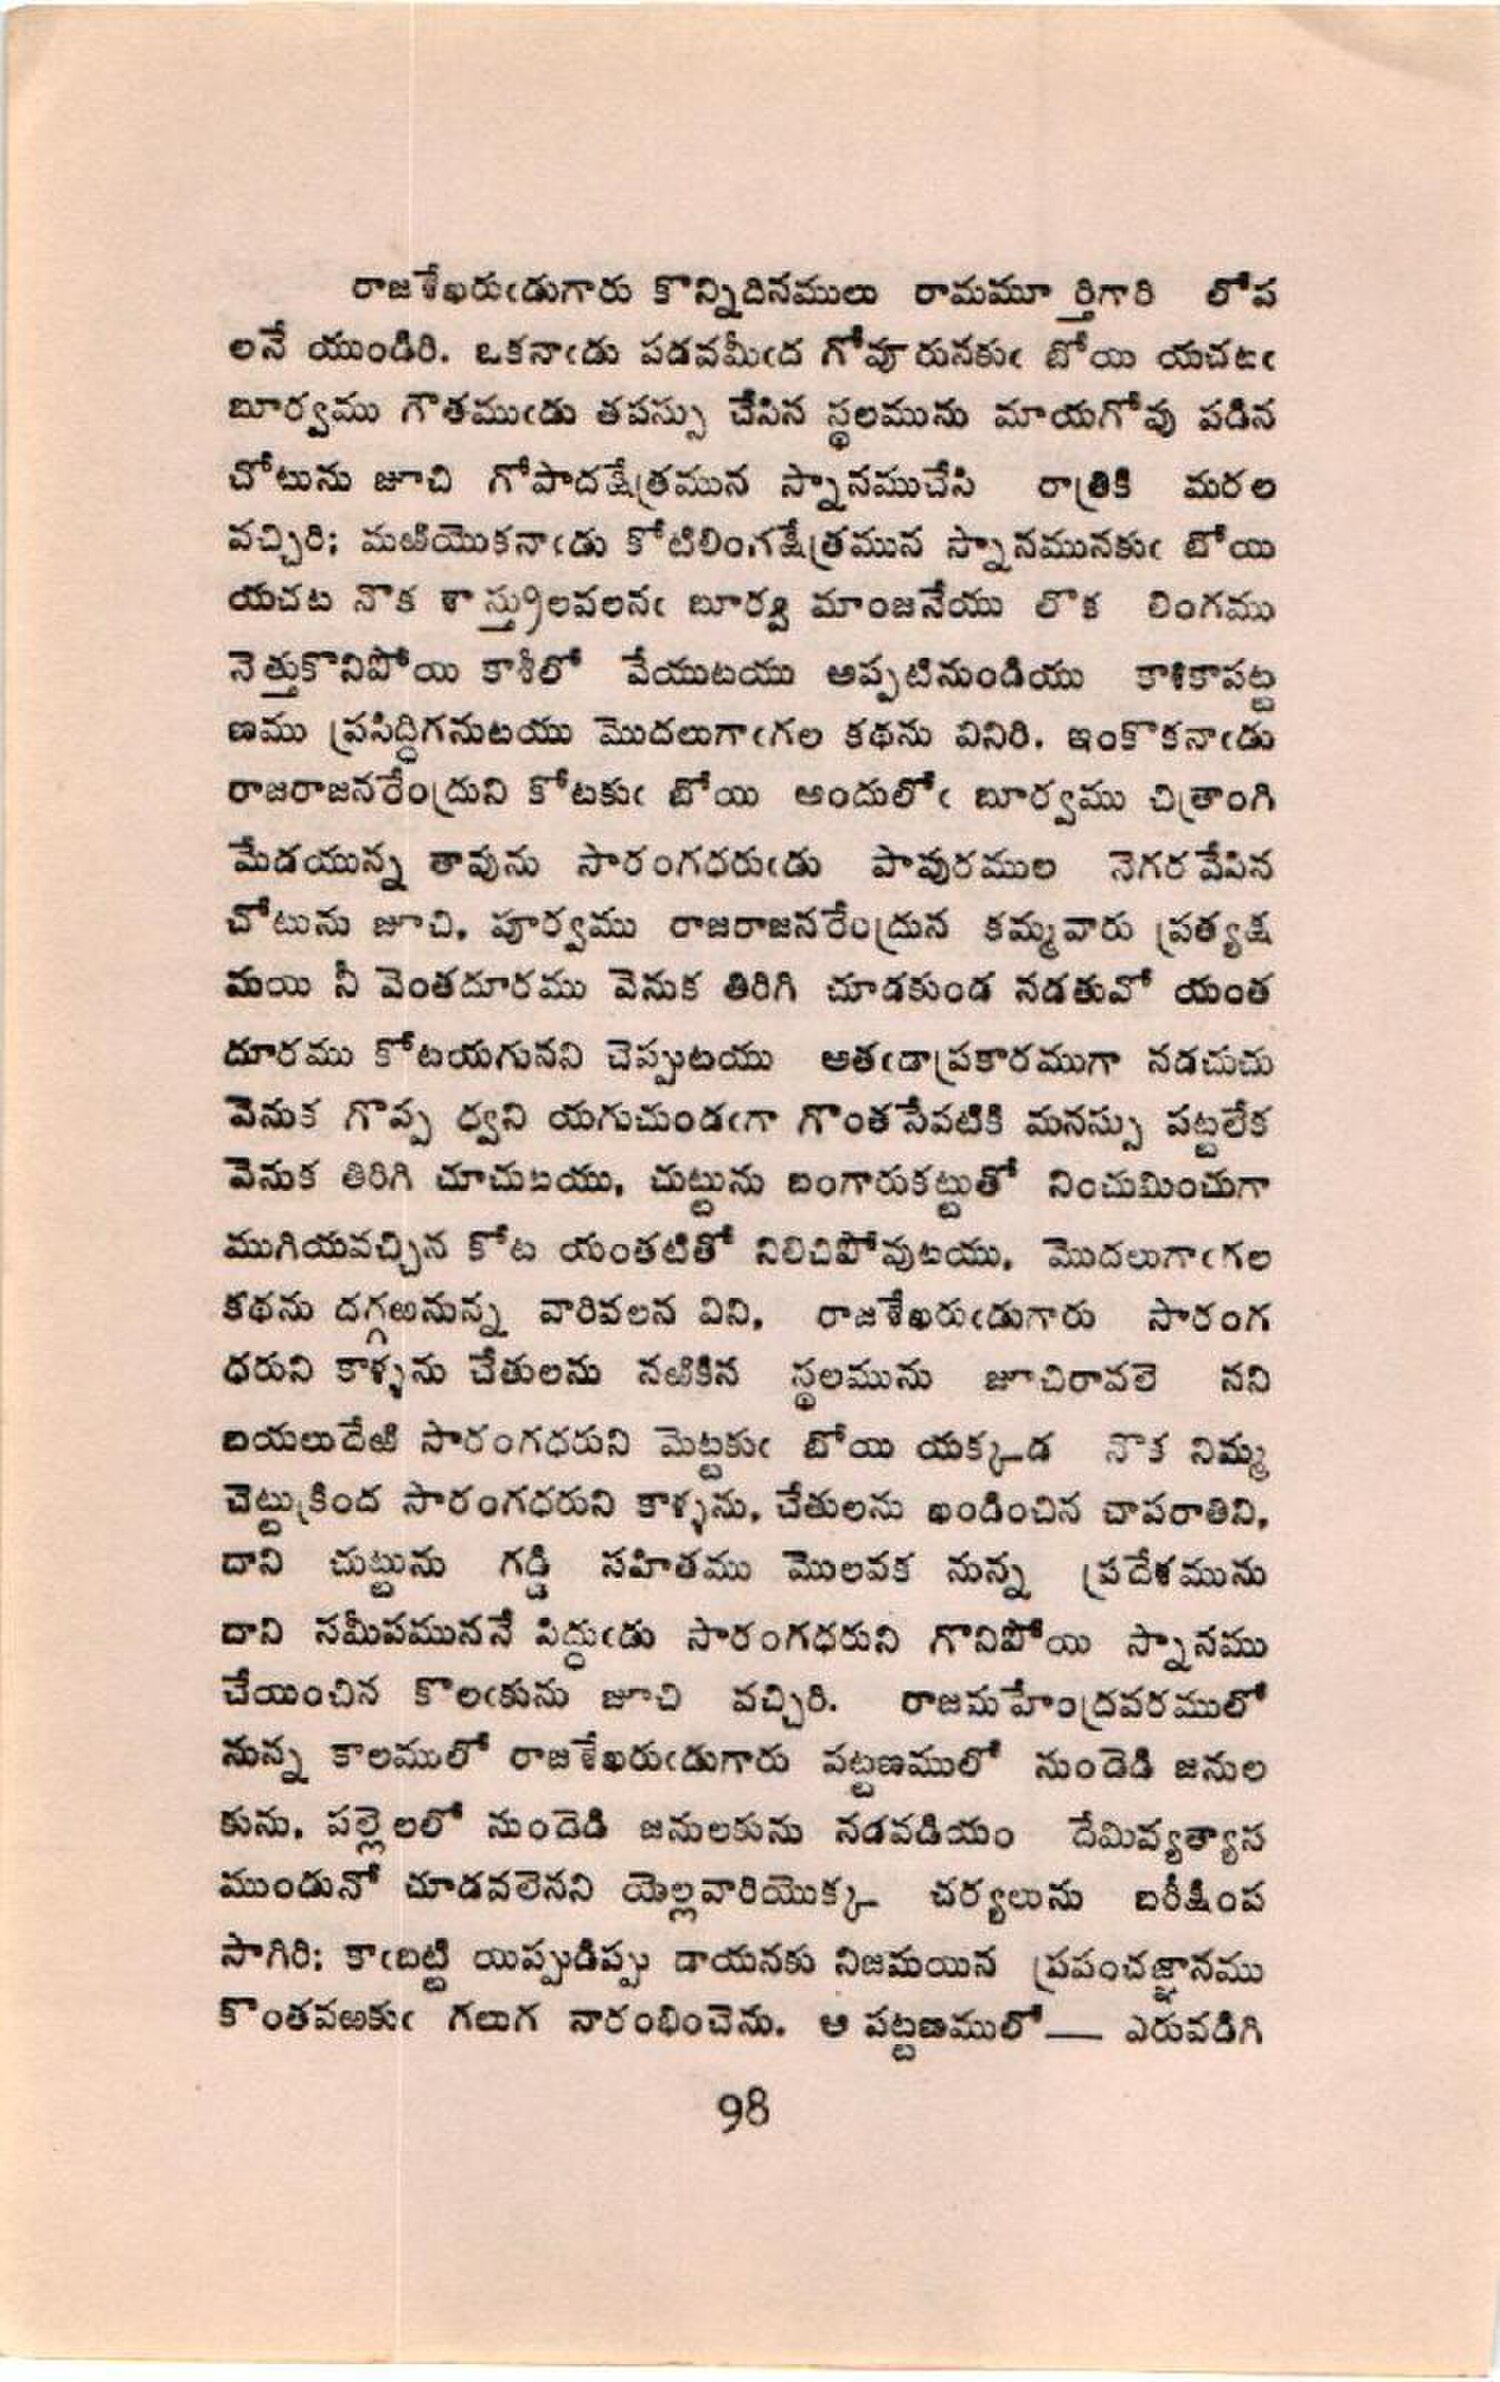రాజశేఖరుఁడుగారు కొన్నిదినములు రామమూర్తిగారి లోపలనే యుండిరి. ఒకనాడు పడవమీద గోవూరునకుఁ బోయి యచట బూర్వము గౌతముఁడు తపస్సు చేసిన స్థలమును మాయగోవు పడిన చోటును జూచి గోపాదక్షేత్రమున స్నానముచేసి రాత్రికి మరల వచ్చిరి; మఱియొకనాడు కోటిలింగక్షేత్రమున స్నానమునకుఁ బోయి యచట నొక శాస్త్రులవలనఁ బూర్వ మాంజనేయు లొక లింగము నెత్తుకొనిపోయి కాశీలో వేయుటయు అప్పటినుండియు కాళికాపట్ట ణము ప్రసిద్దిగనుటయు మొదలుగాగల కథను వినిరి. ఇంకొక నాఁడు రాజరాజనరేంద్రుని కోటకుఁ బోయి అందులోఁ బూర్వము చిత్రాంగి మేడయున్న తావును సారంగధరుఁడు పావురముల నెగరవేసిన చోటును జూచి, పూర్వము రాజరాజనరేంద్రున కమ్మవారు ప్రత్యక్ష మయు నీ వెంతదూరము వెనుక తిరిగి చూడకుండ నడతువో యంత దూరము కోటయగునని చెప్పటయు అతఁడాప్రకారముగా నడచుచు వెనుక గొప్ప ధ్వని యగుచుండఁగా గొంతసేపటికి మనస్సు పట్టలేక వెనుక తిరిగి చూచుటయు, చుట్టును బంగారుకట్టుతో నించుమించుగా ముగియవచ్చిన కోట యంతటితో నిలిచిపోవుటయు, మొదలుగాఁ గల కథను దగ్గఱనున్న వారివలన రాజశేఖరుడుగారు సారంగ ధరుని కాళ్ళను చేతులను నఱికిన స్థలమును జూచిరావలె నని బయలుదేఱి సారంగధరుని మొట్టకుఁ బోయి యక్కడ నొక నిమ్మ చెట్టుకింద సారంగధరుని కాళ్ళను, చేతులను ఖండించిన చాపరాతిని, దాని చుట్టును గడ్డి సహితము మొలవక నున్న ప్రదేశమును దాని సమీపముననే సిద్దుఁడు సారంగధరుని గొనిపోయి స్నానము చేయించిన కొలఁకును జూచి వచ్చిరి. రాజమహేంద్రవరములో నున్న కాలములో రాజశేఖరుఁడుగారు పట్టణములో నుండెడి జనులకును, పల్లెలలో నుండెడి జనులకును నడవడియం దేమివ్యత్యాస ముండునో చూడవలెనని యెల్లవారియొక్క చర్యలును బరీక్షింప సాగిరి. కాబట్టి యిప్పుడిప్పుడాయనకు నిజమయిన ప్రపంచజ్ఞానము కొంతవఱకు గలుగ నారంభించెను. ఆ పట్టణములో __ ఎరువడిగి